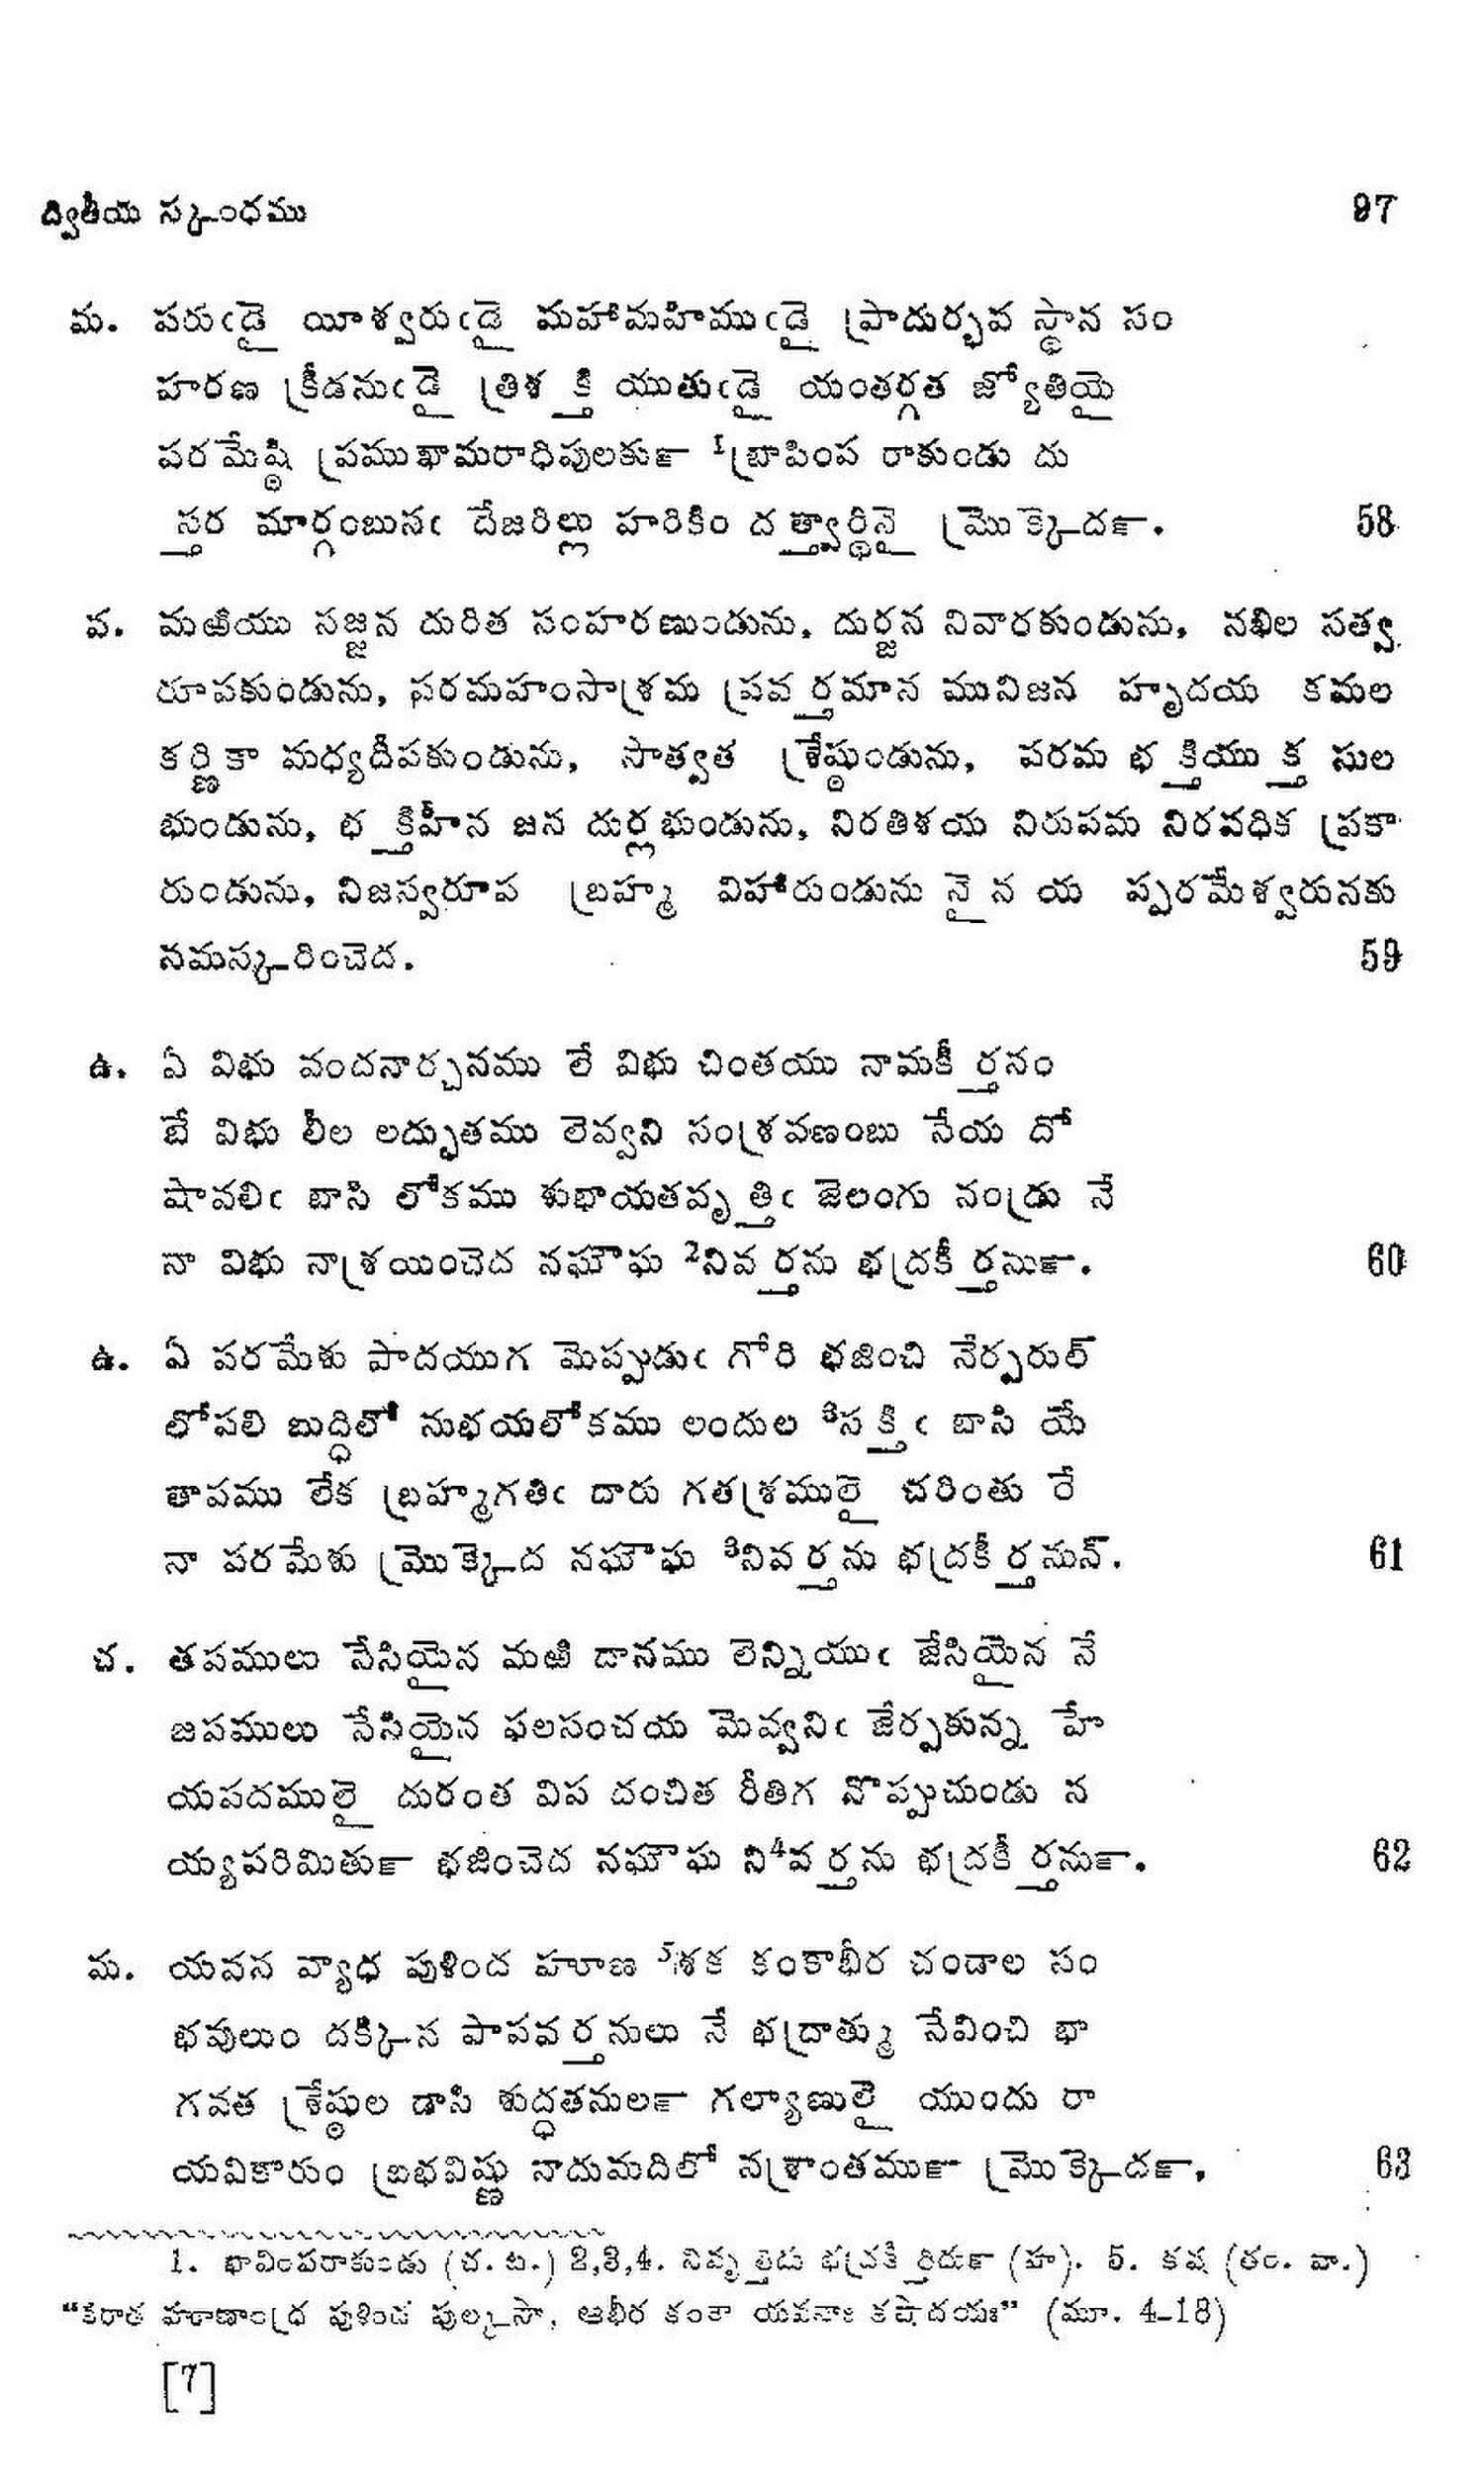97

మ. పరుఁడై యీశ్వరుఁడై మహామహిముఁడై ప్రాదుర్భవ స్థాన సం

హరణ క్రీడనుఁడై త్రిశక్తి యుతుఁడై యంతర్గత జ్యోతియై

పరమేష్ఠి ప్రముఖామరాధిపులకున్ బ్రాపింప రాకుండు దు

స్తర మార్గంబునఁ దేజఱిల్లు హరికిం దత్త్వార్థినై మ్రొక్కెదన్.(58)

వ. మఱియు సజ్జన దురిత సంహణుండును, దుర్జన నివారకుండును, నఖిల సత్త్వ రూపకుండును, పరమహంసాశ్రమ ప్రవర్తమాన మునిజన హృదయ కమల కర్ణికా 

మధ్యదీపకుండును, సాత్వత శ్రేష్ఠుండును, పరమ భక్తియుక్త సులభుండును, భక్తిహీన జన దుర్లభుండును, నిరతిశయ నిరుపమ నిరవధిక ప్రకారుండును, నిజస్వరూప 

బ్రహ్మ విహారుండును నౌయప్పరమేశ్వరునకు నమస్కరించెద. (59)

ఉ. ఏ విభు వందనార్చనము లే విభు చింతయు నామకీర్తనం

బే విభు లీల లద్భుతము లెవ్వని సంశ్రవణంబు సేయ దో 

షావలిఁ బాసి లోకము శుభాయతవృత్తిఁ జెలంగు నండ్రు నే

నా విభు నాశ్రయించెద నఘౌఘ నివర్తను భద్రకీర్తనున్. (60)

ఉ. ఏ పరమేశు పాదయుగ మెప్పుడుఁ గోరి భజించి నేర్పరుల్

లోపలి బుద్ధిలో న్నుభయలోకము లందుల సక్తిఁ బాసి యే

తాపము లేక బ్రహ్మగతిఁ దారు గతశ్రములై చరింతు రే

నా పరమేశు మ్రొక్కెద నఘౌఘ నివర్తను భద్రకీర్తనున్.(61)

చ. తపములు సేసియైన మఱి దానము లెన్నియుఁ జేసియైన నే

జనములు సేసియైన ఫలసంచయ మెవ్వనిఁ జేర్పకున్న హే

యపదములై దురంత విప దంచిత రీతిగ నొప్పుచుండు న

య్యపరిమితున్ భజించెద నఘౌఘ నివర్తను భద్రకీర్తనున్. (62)

మ. యవన వ్యాధ పుళింద హూణ శక కంకాభీర చండాల సం

భవులుం దక్కిన పాపవర్తనులు నే భద్రాత్ము సేవించి భా

గవత శ్రేష్ఠుల డాసి శుద్ధతనులన్ గల్యాణులై యుందు రా

యనికారుం బ్రభవిష్ణు నాదు మదిలో నశ్రాంతమున్ మ్రొక్కెదన్.(63)